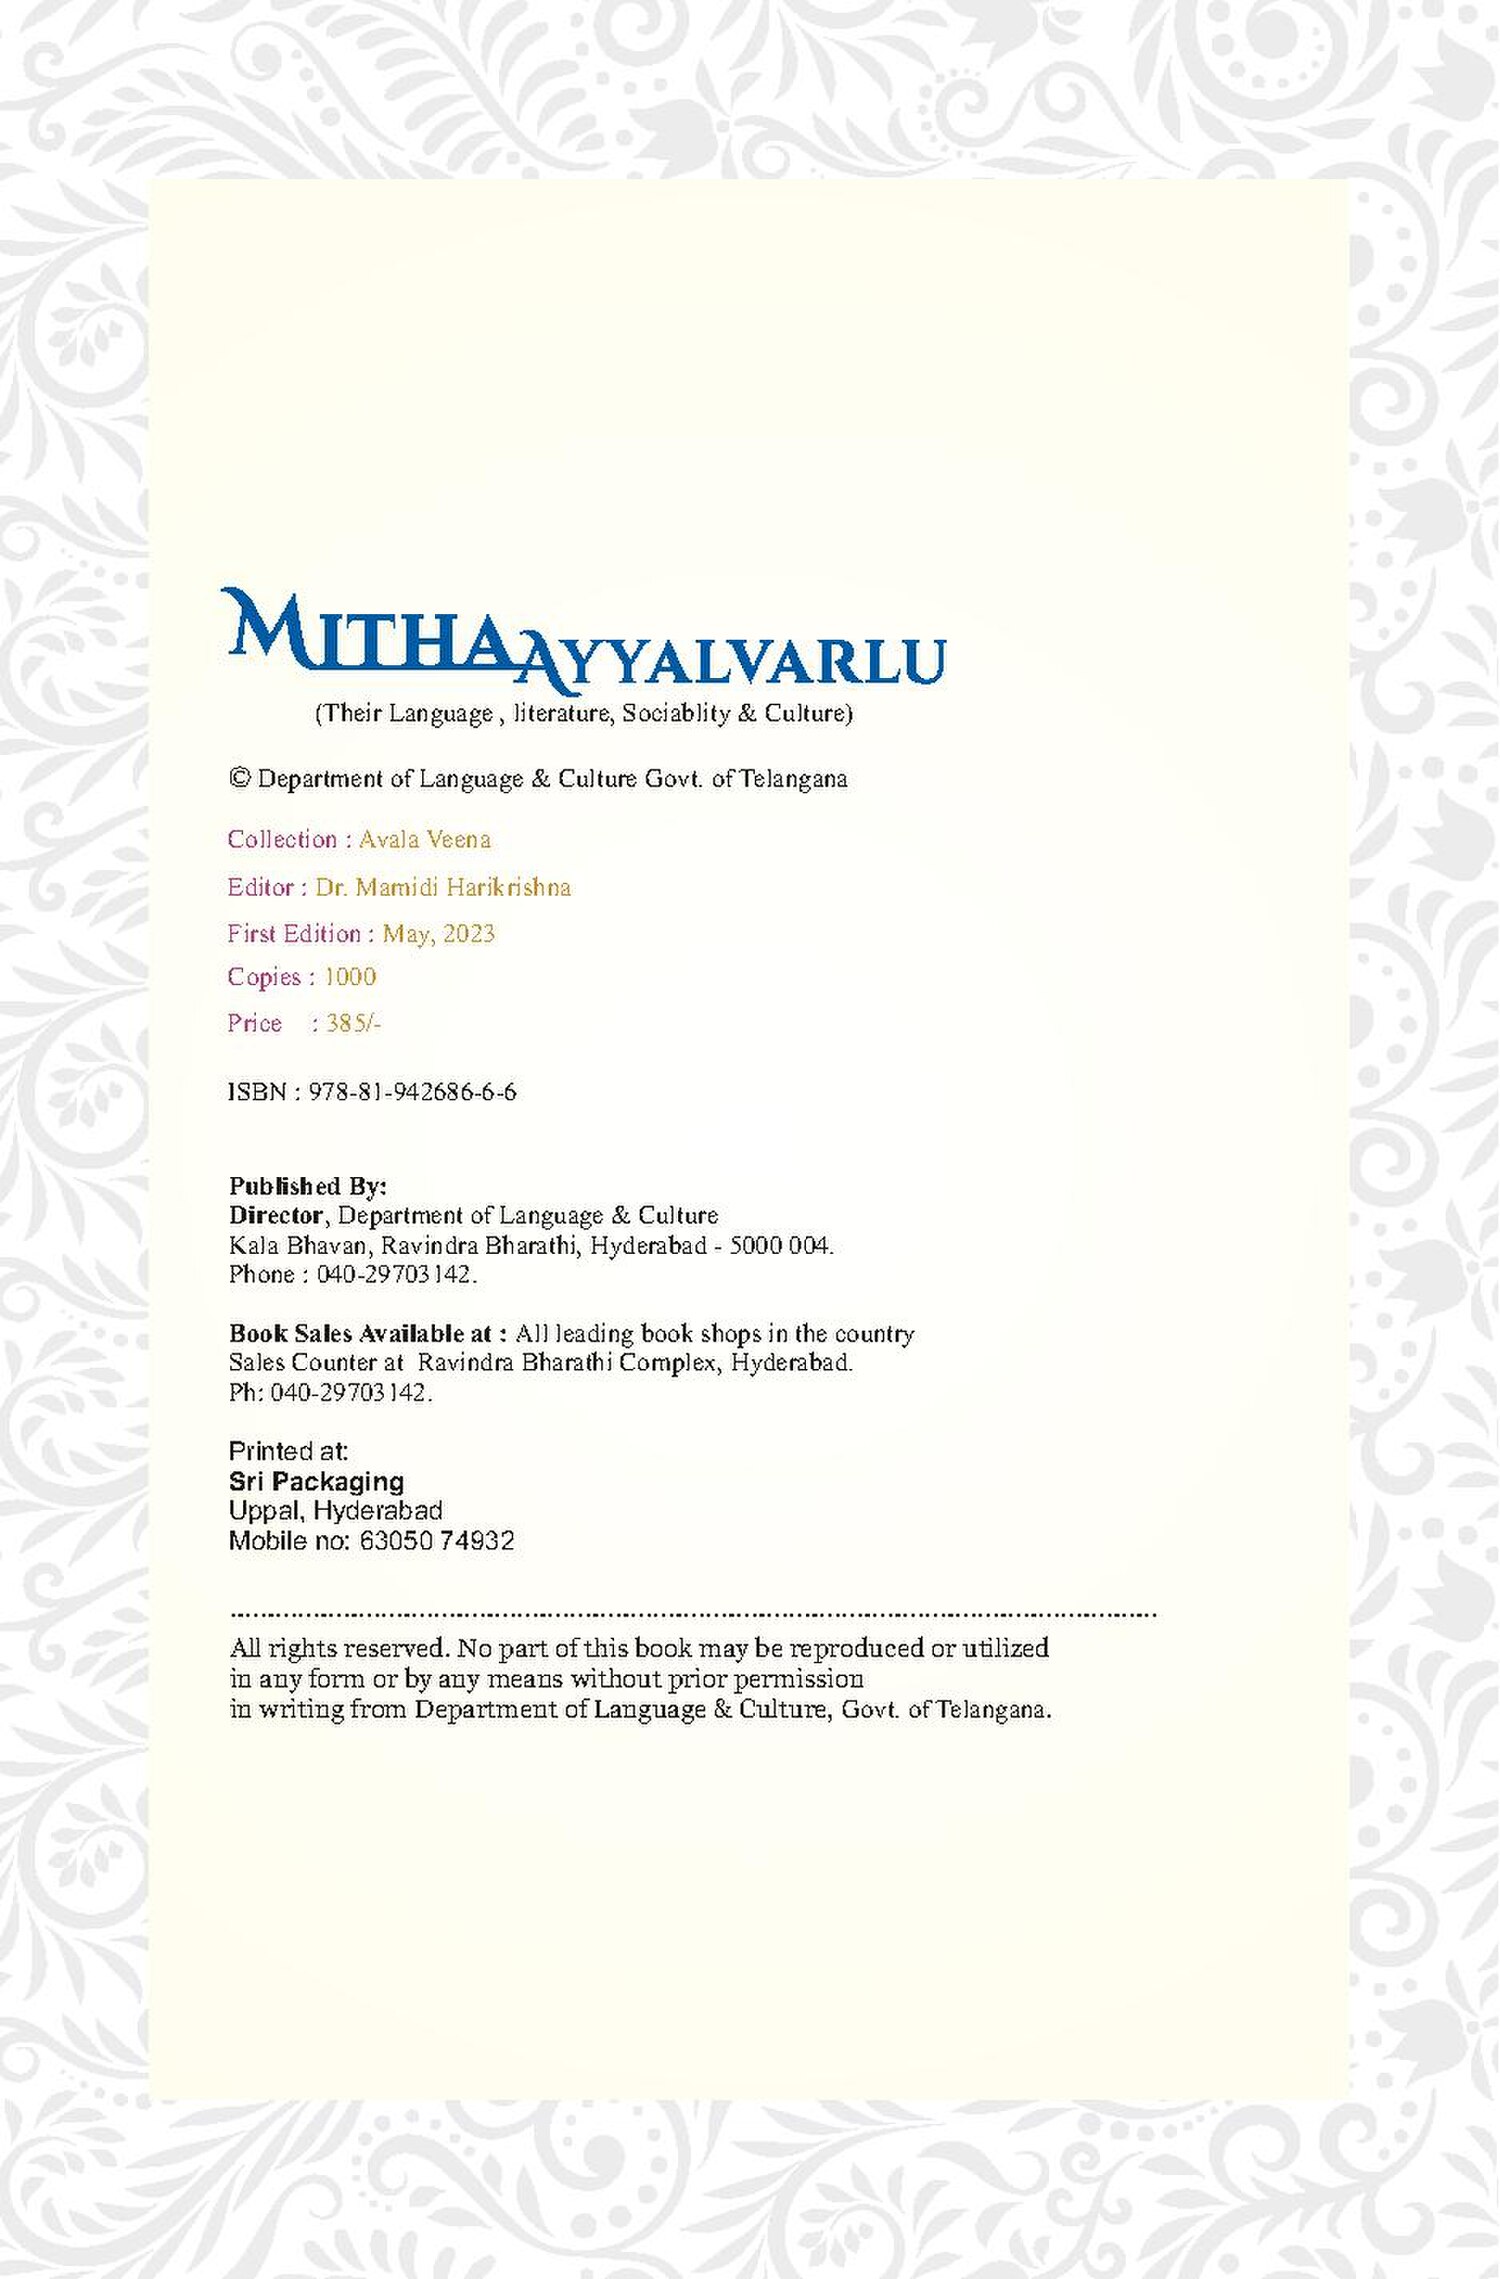MITHAAYYALVARLU

(Their Language , literature, Sociablity & Culture)

© Department of Language & Culture Govt. of Telangana

Collection : Avala Veena

Editor : Dr. Mamidi Harikrishna

First Edition : May, 2023

Copies : 1000

Price : 385/-

ISBN : 978-81-942686-6-6

Published By:

Director, Department of Language & Culture

Kala Bhavan, Ravindra Bharathi, Hyderabad - 5000 004.

Phone : 040-29703142.

Book Sales Available at : All leading book shops in the country

Sales Counter at Ravindra Bharathi Complex, Hyderabad.

Ph: 040-29703142.

Printed at:

Sri Packaging

Uppal, Hyderabad

Mobile no: 63050 74932

All rights reserved. No part of this book may be reproduced or utilized in any form or by any means without prior permission in writing from Department of Language & Culture, Govt. of Telangana.